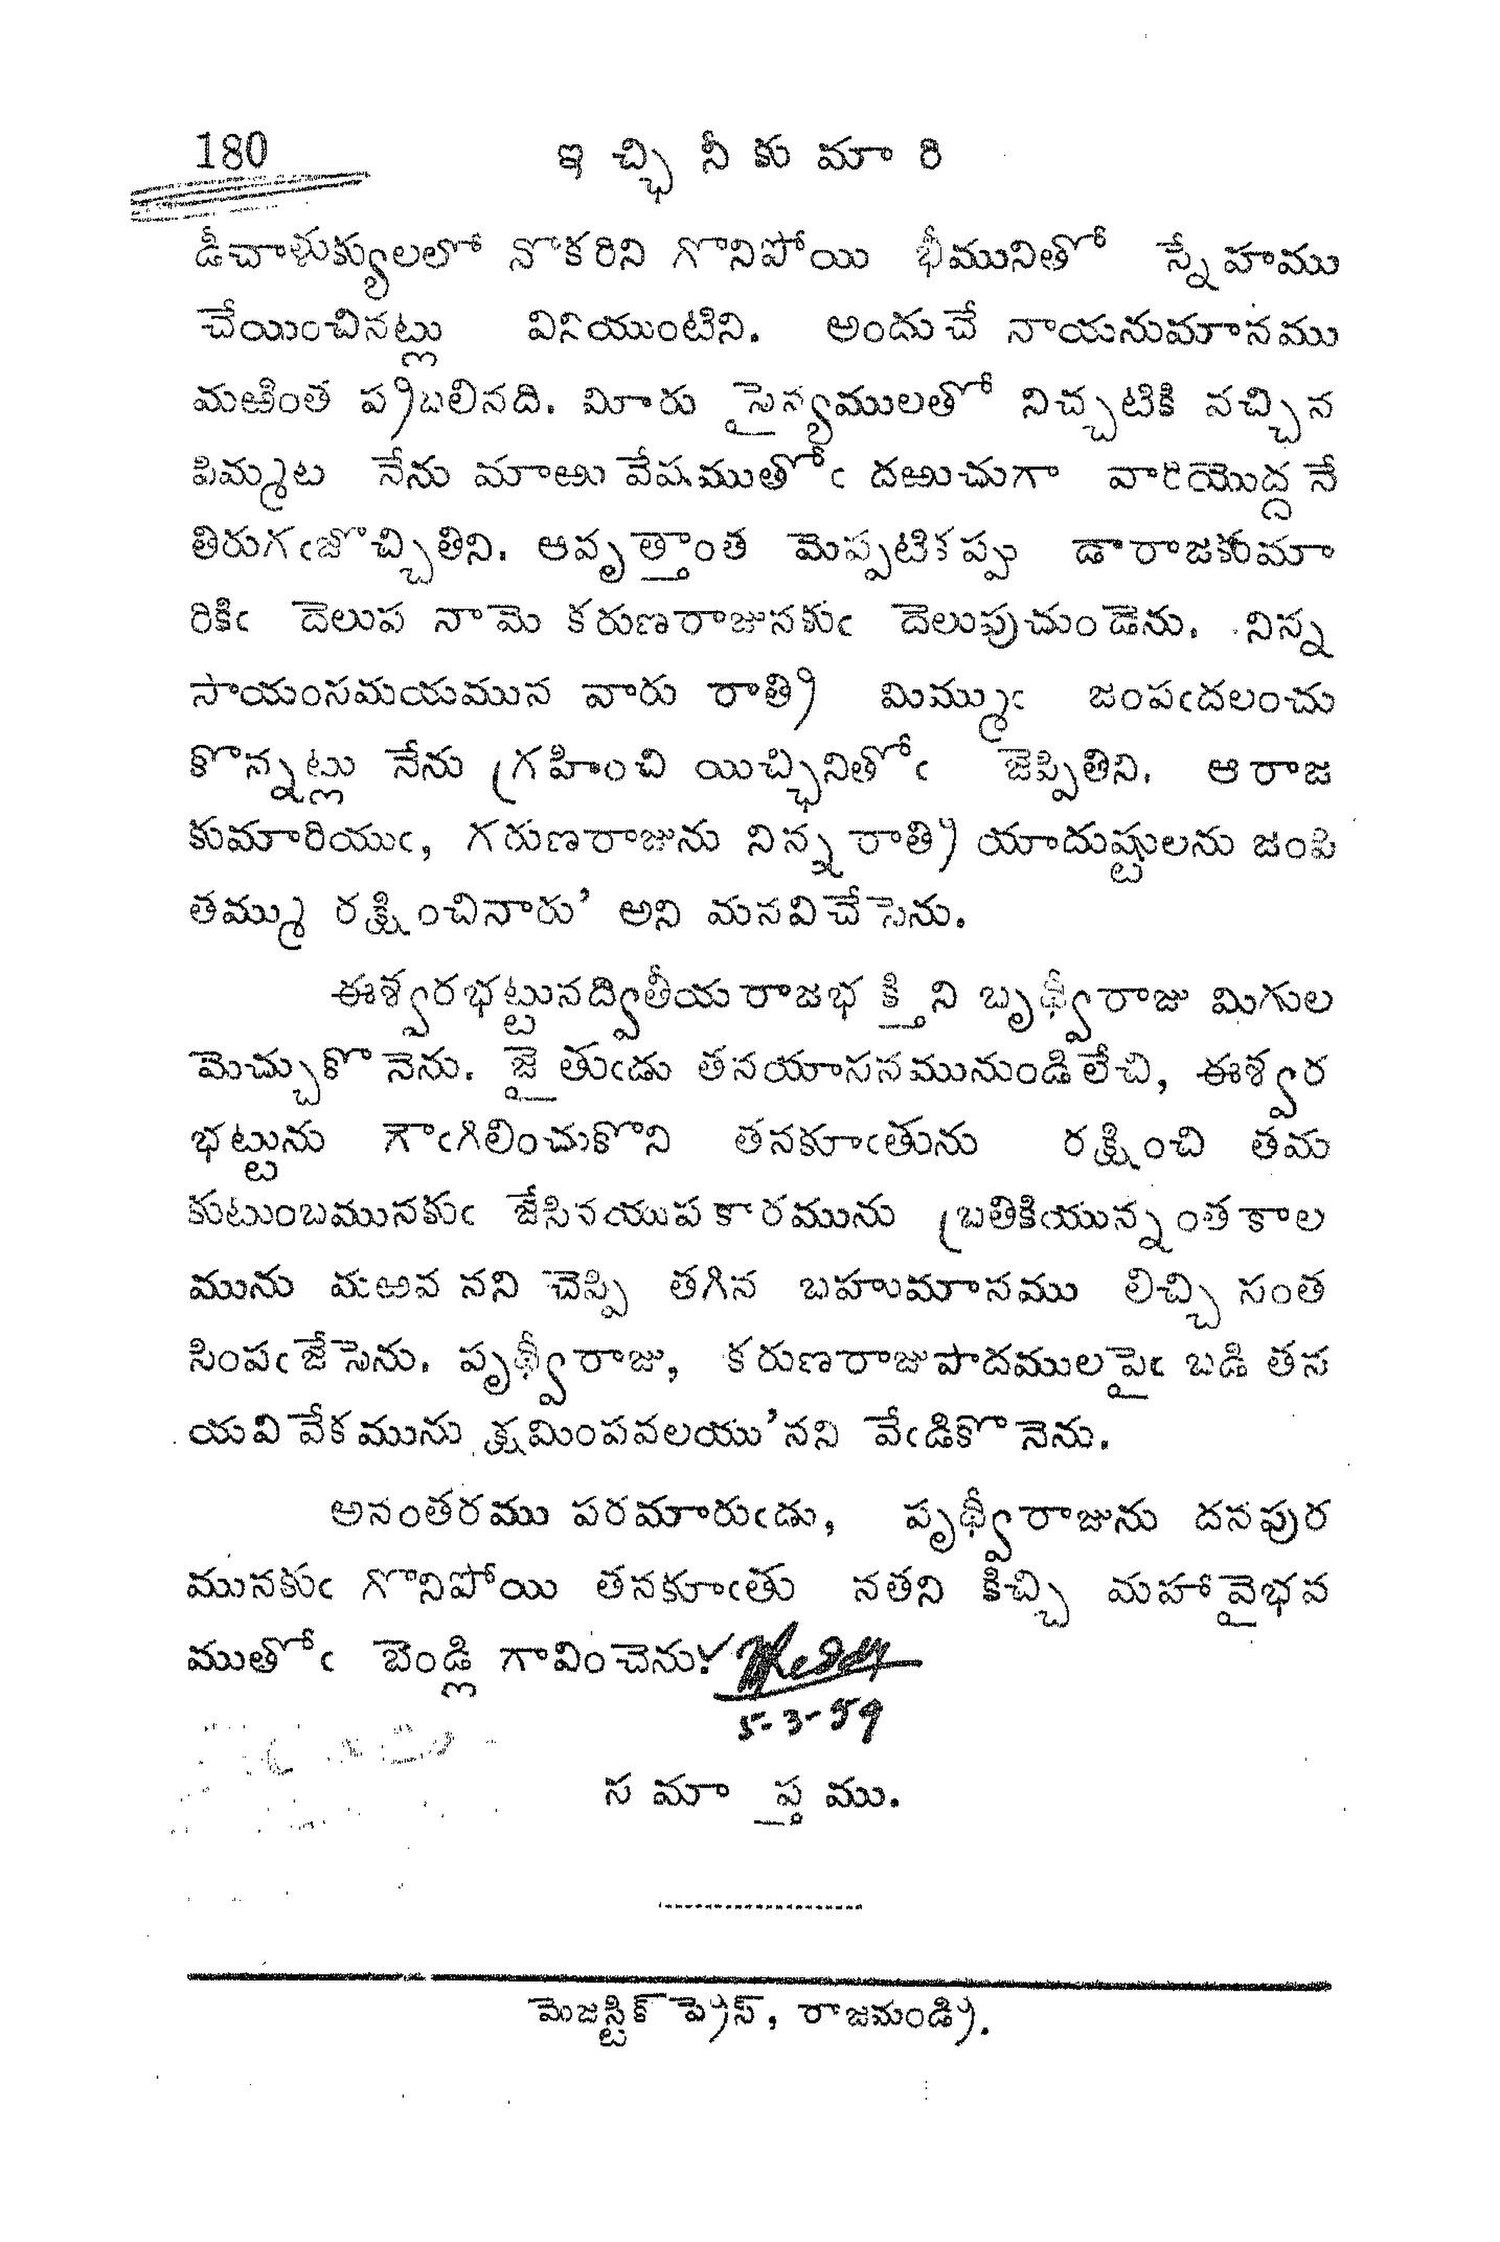డీచాళుక్యులలో నొకరిని గొనిపోయి భీమునితో స్నేహము
చేయించినట్లు వినియుంటిని. అందు చే నాయనుమానము
మఱింత ప్రబలినది. మీరు సైన్యములతో నిచ్చటికి నచ్చిన
పిమ్మట నేను మాజు వేషముతోఁ దఱుచుగా
వారి యొద్ద నే తిరుగఁజొచ్చితిని. ఆవృత్తాంత మెప్పటికప్పు డారాజకుమా
రికిఁ దెలుప నామె కరుణ రాజునకుఁ దెలుపుచుండెను. .నిన్న
సాయంసమయమున వారు రాత్రి మిమ్ముఁ జంపఁదలంచు
కొన్నట్లు నేను గ్రహించి యిచ్ఛినితోఁ జెప్పితిని. ఆ రాజ
కుమారియుఁ, గరుణరాజును నిన్న రాతి యాదుష్టులను జంపి
తమ్ము రక్షించినారు' అని మనవి చేసెను.

ఈశ్వర భట్టున ద్వితీయ రాజభ క్తి ని బృద్వీరాజు మిగుల
మెచ్చుకొ నెను. జై తుఁడు తనయాసనమునుండి లేచి, ఈశ్వర
భట్టును గౌఁగిలించుకొని తనకూఁతును రక్షించి తమ
కుటుంబమునకుఁ జేసినయుపకారమును బ్రతికియున్నంత కాల
మును మఱవ నని చెప్పి తగిన బహుమానము లిచ్చి సంత
సింపఁ జేసెను. పృద్వీరాజు, కరుణరాజు పాదముల పైఁ బడి తన
యవివేకమును క్షమింపవలయు' నని వేఁడికొ నెను.
అనంతరము పరమారుఁడు, పృథ్వీరాజును దన పుర
మునకుఁ గొనిపోయి తనకూఁతు నతని కిచ్చి మహా వైభన
ముతోఁ బెండ్లి గావించెను.